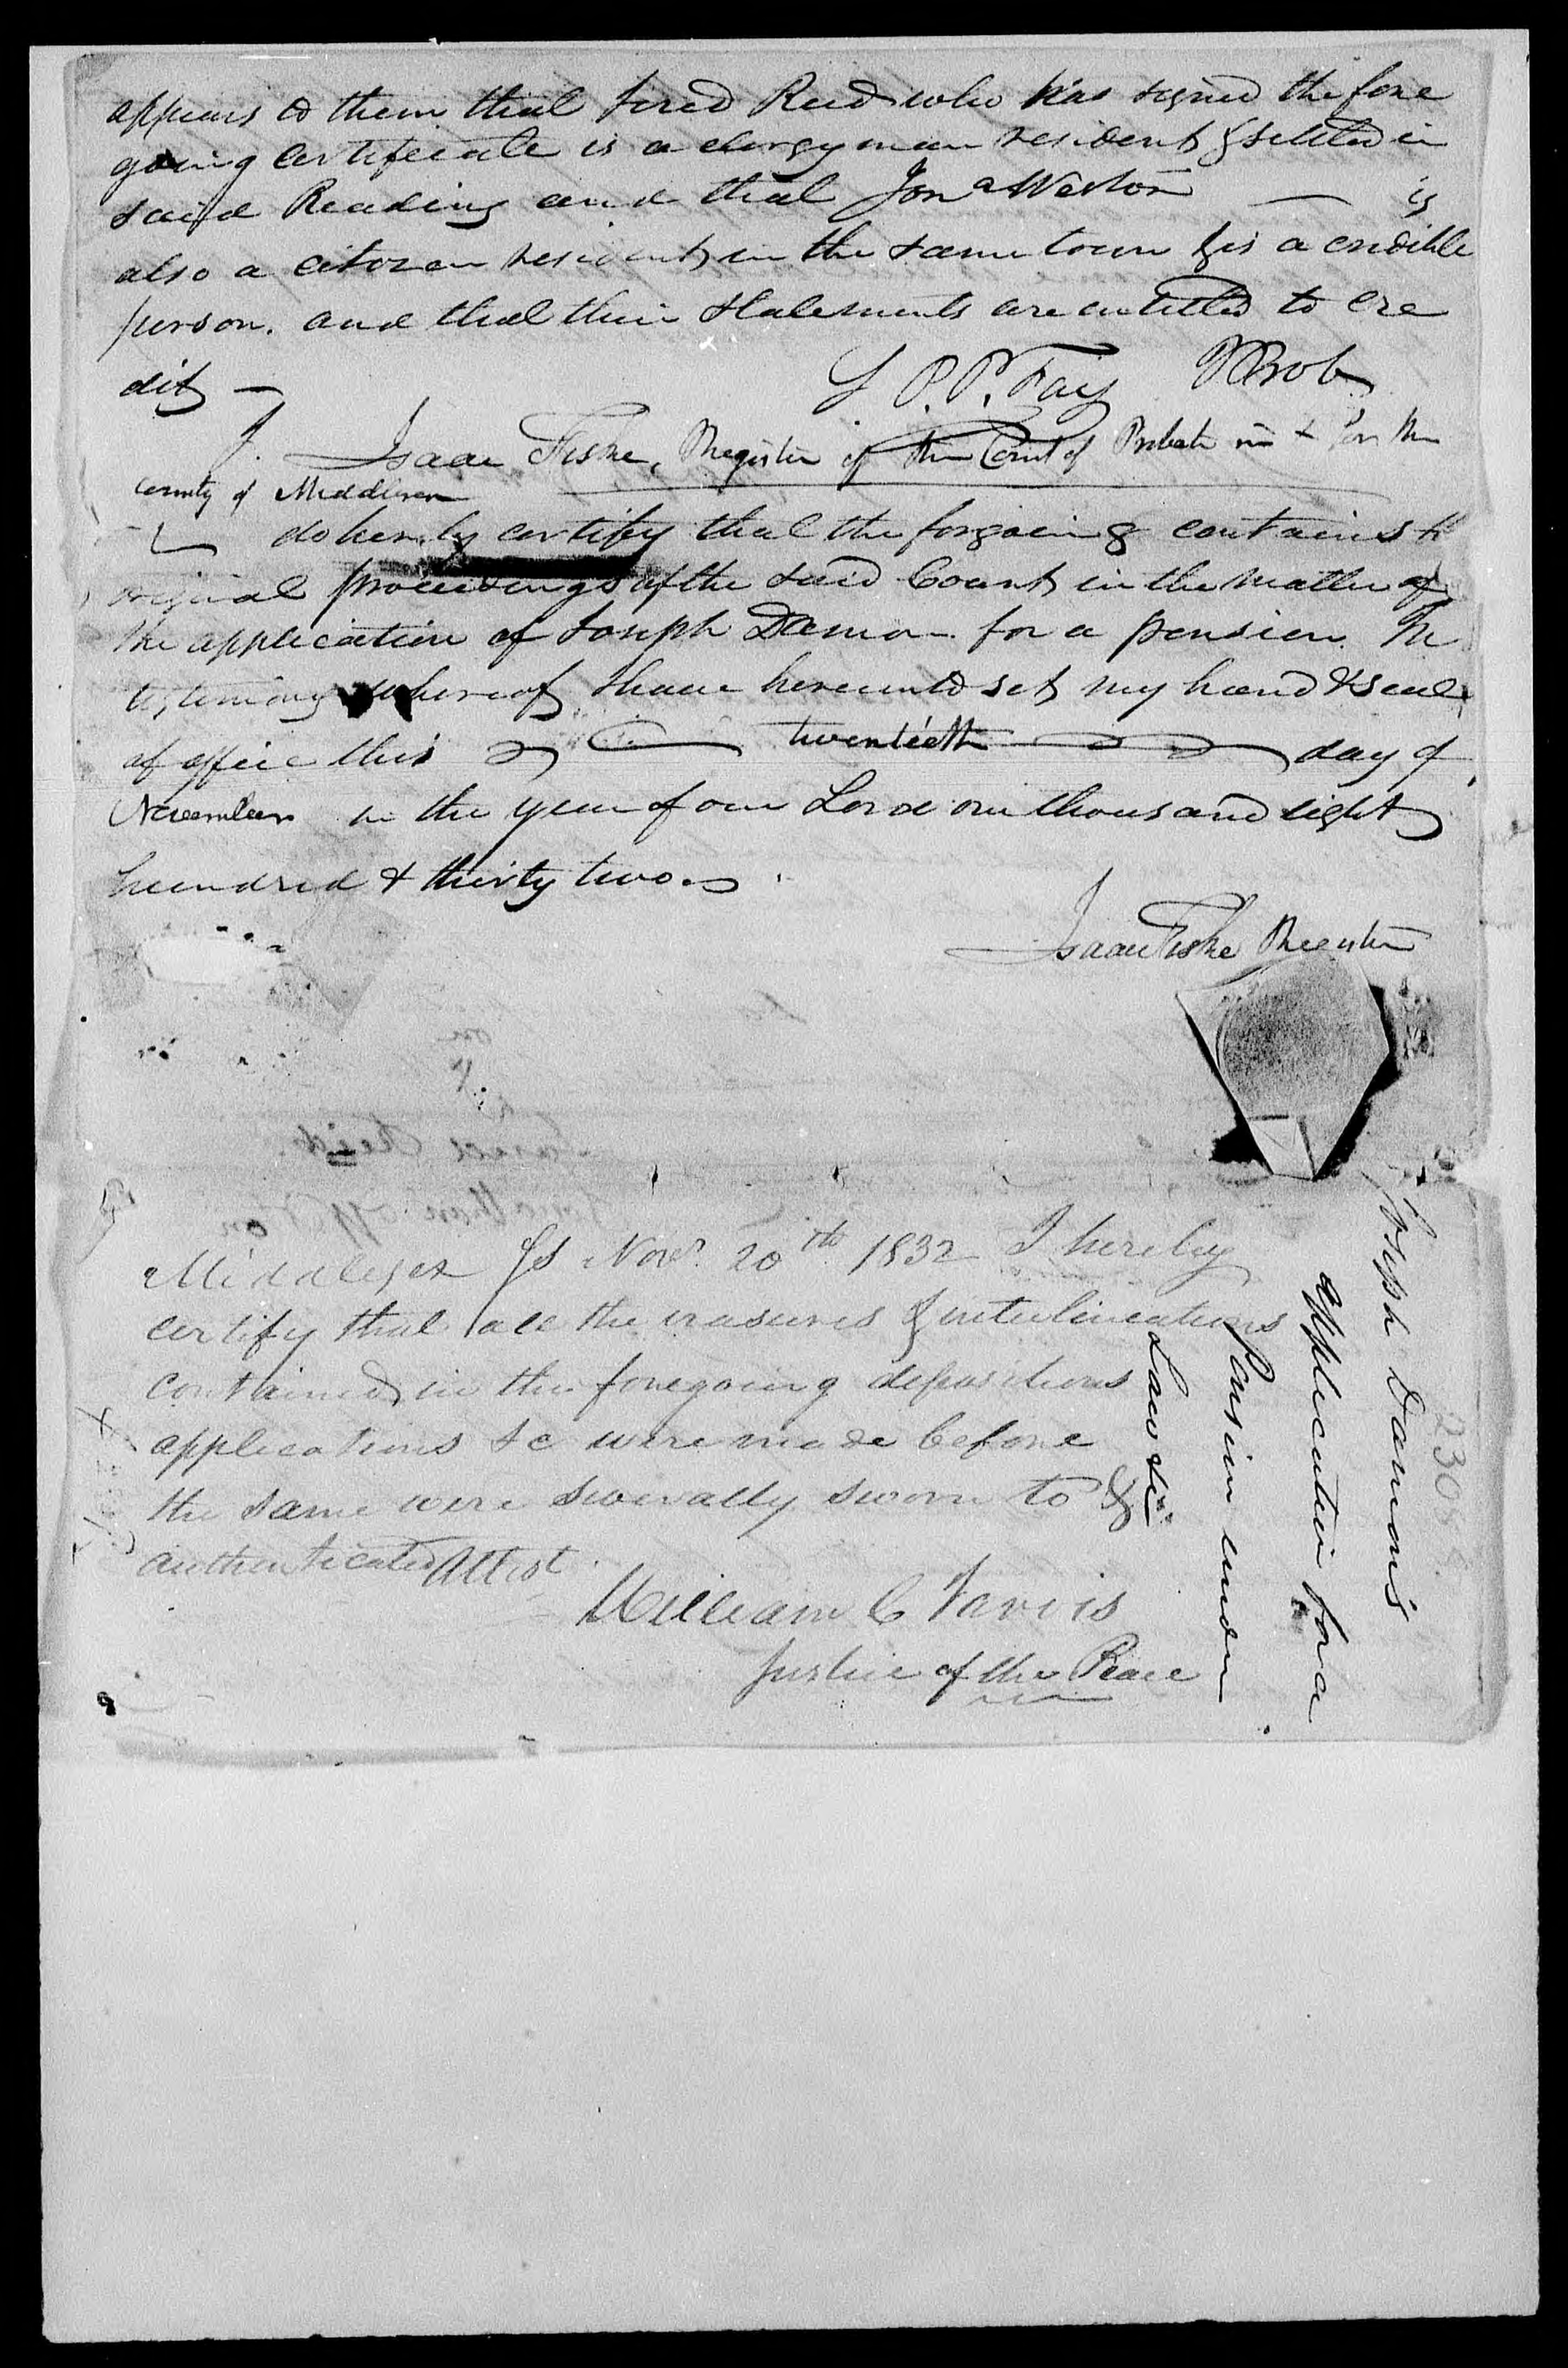appears to them that Jared Reid who has signed the foregoing certificate is a clergyman resident & settled in said Reading and that Jon[athan] Weston is also a citizen resident in the same town & is a credible person, and that their statements are entitled to credit-
S.P.P. Tay JProb

I Isaac Fiske Register of the Court of Probate in & for the county of Middlesex do hereby certify that the foregoing contains the original proceedings of the said Court in the matter of the application of Joseph Damon for a pension. In testimony thereof I have hereunto set my hand & seal of office this Twentieth day of November in the year of our Lord one thousand eight hundred & thirty two.
Isaac Fiske Register
[embossed seal]  

Middlesex ss. Nov. 20th 1832 I hereby certify that all the erasures and interlineations contained in the foregoing depositions applications &c were made before the same were severally sworn to & authenticated.
William C Jarvis
Justice of the Peace

[at right margin]  23088 Joseph Damon's Application for a Pension under Law etc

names: Isaac Fiske, Jered Reed, Jona Weston, S P P Fay, Joseph Damon, Isaac Fiske, William C Jarvis, Joseph Damon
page: 10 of 28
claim: survivor's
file: S. 17376, Joseph Damon, Continental Mass.